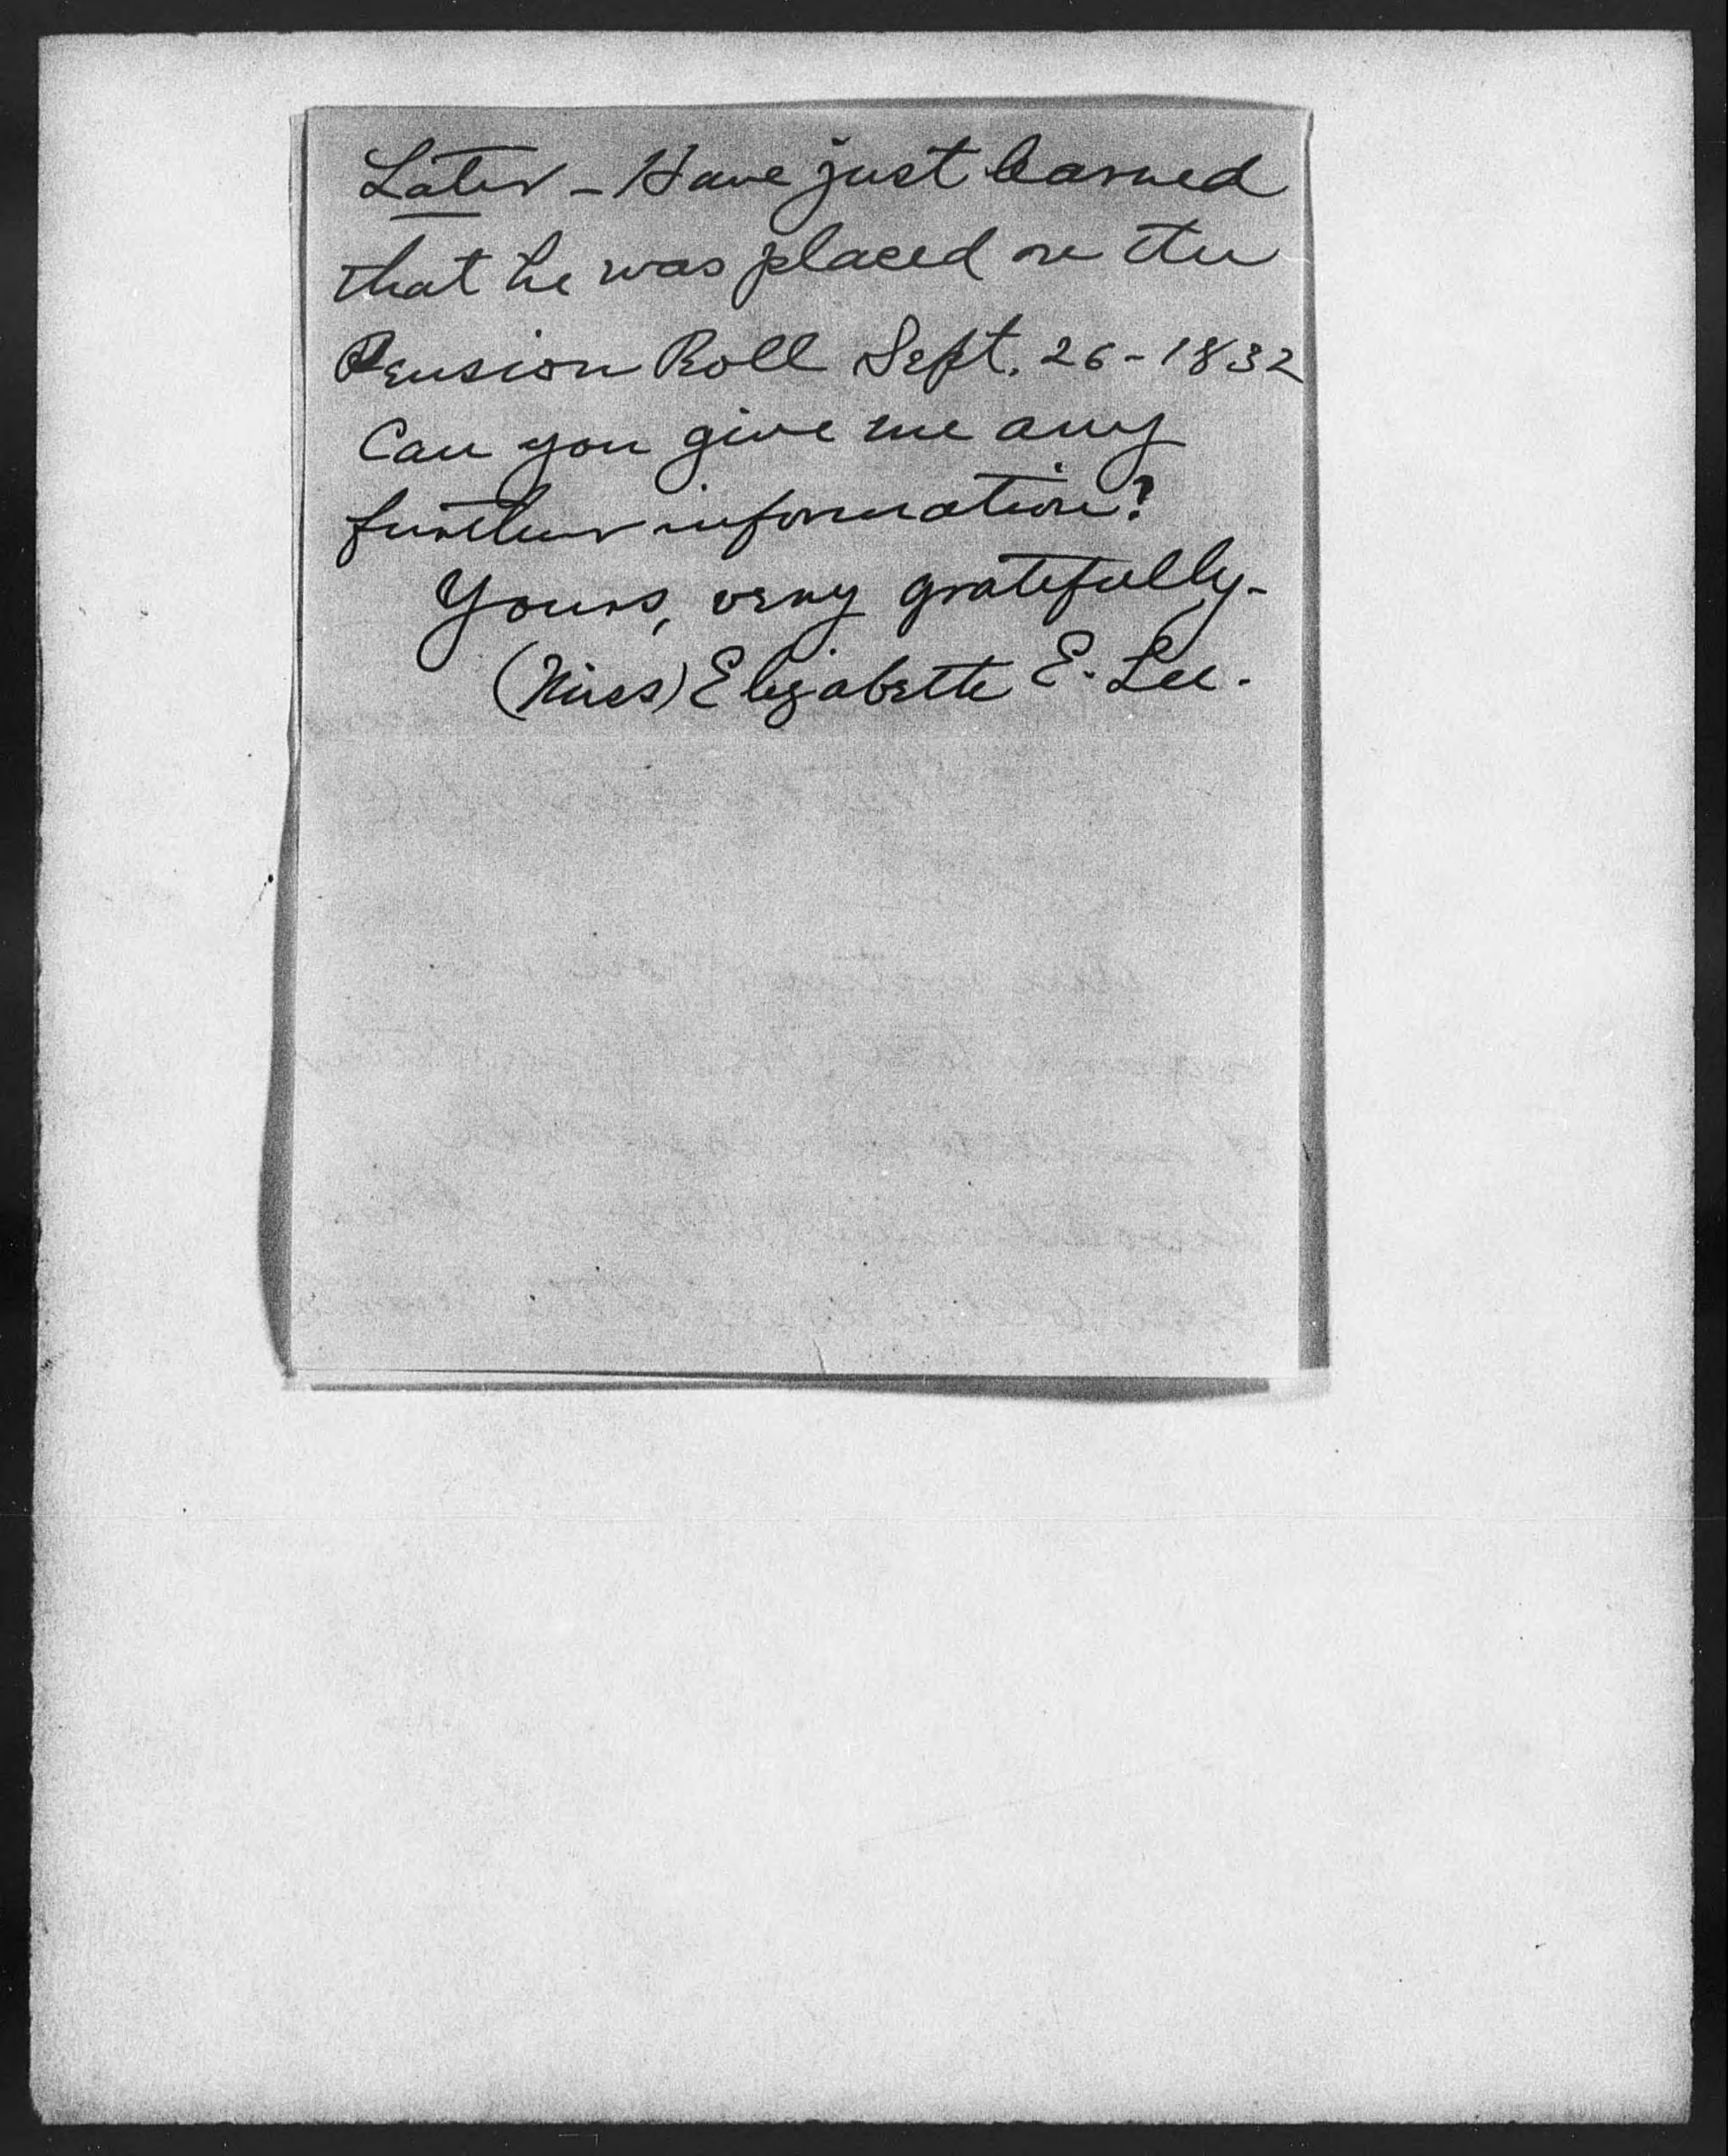Later - Have just learned that he was placed on the Pension Roll Sept. 26 - 1832
Can you give me any further information?
Yours, very gratefully-
(Miss) Elizabeth E. Lee.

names: Elizabeth E Lee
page: 45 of 45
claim: widow's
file: W. 4988, Durlin Hickok, Mass.